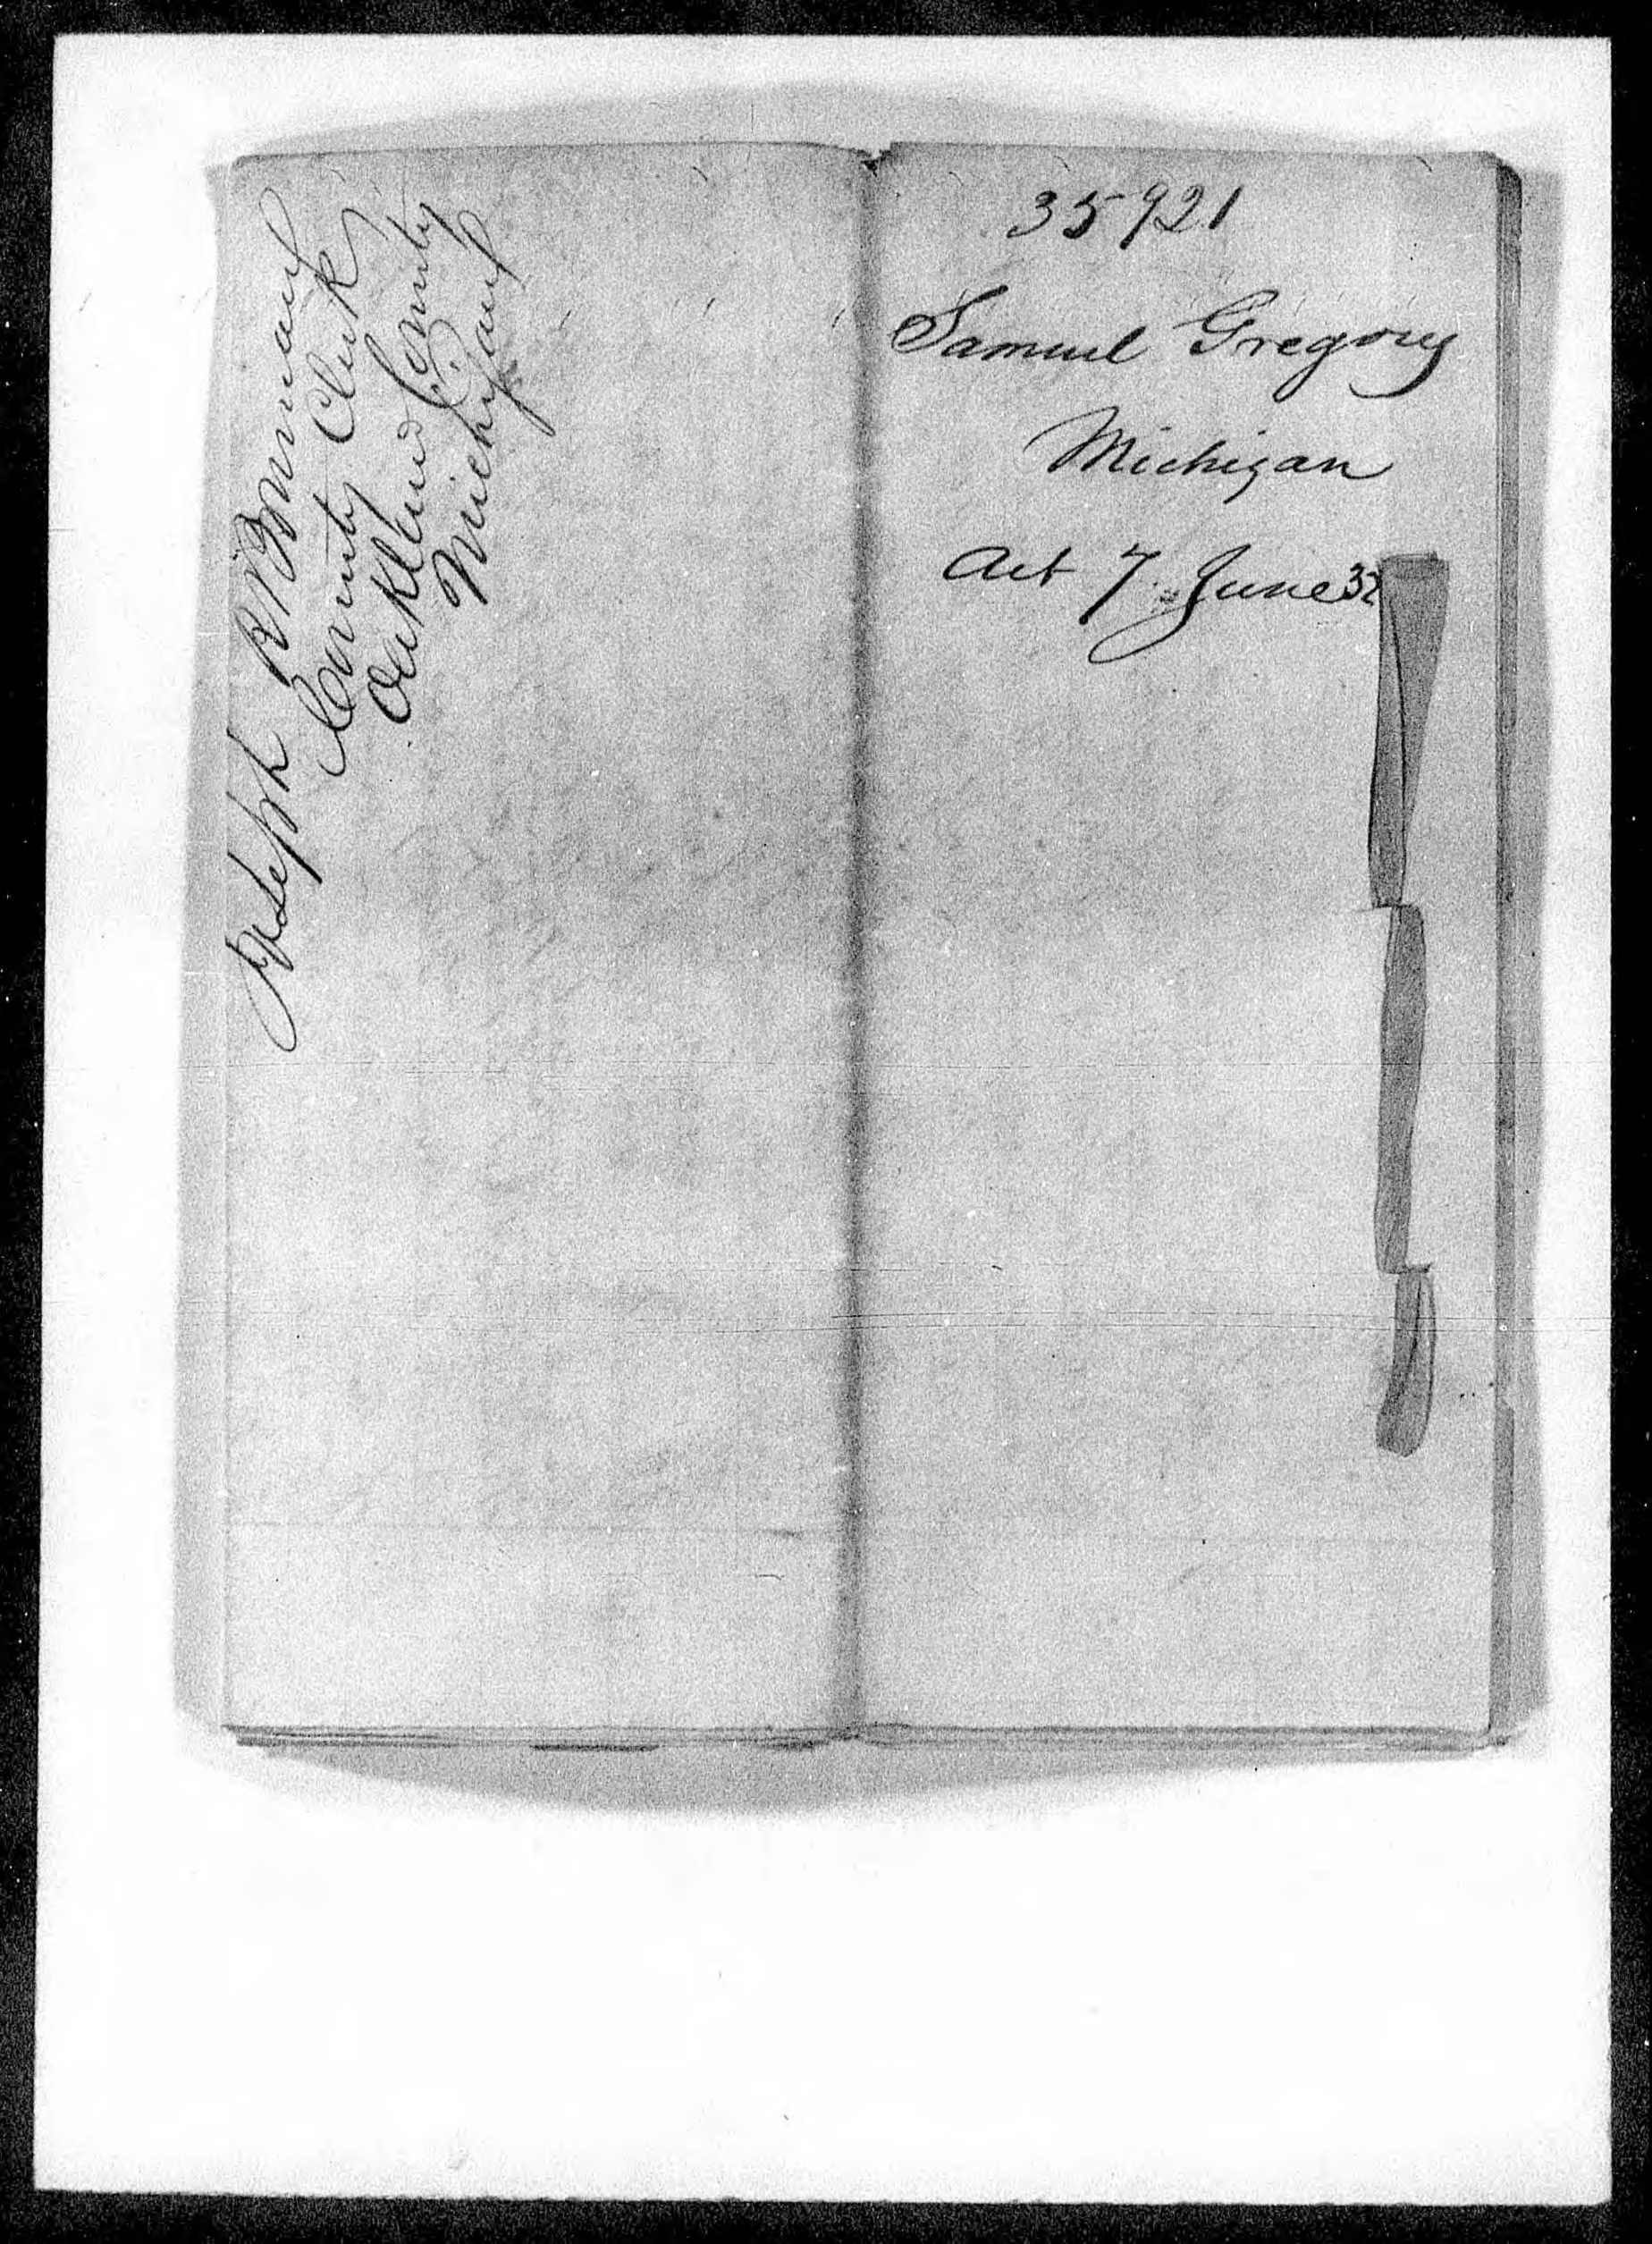[column 1]
Joseph R. Bowman County Clear Oakland County Michigan 

[column 2]
Samuel Gregory
Michigan 
Act 7 June 32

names: Joseph R Bowman, Samuel Gregory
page: 2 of 66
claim: rejected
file: R. 4298, Samuel Gregory, New York